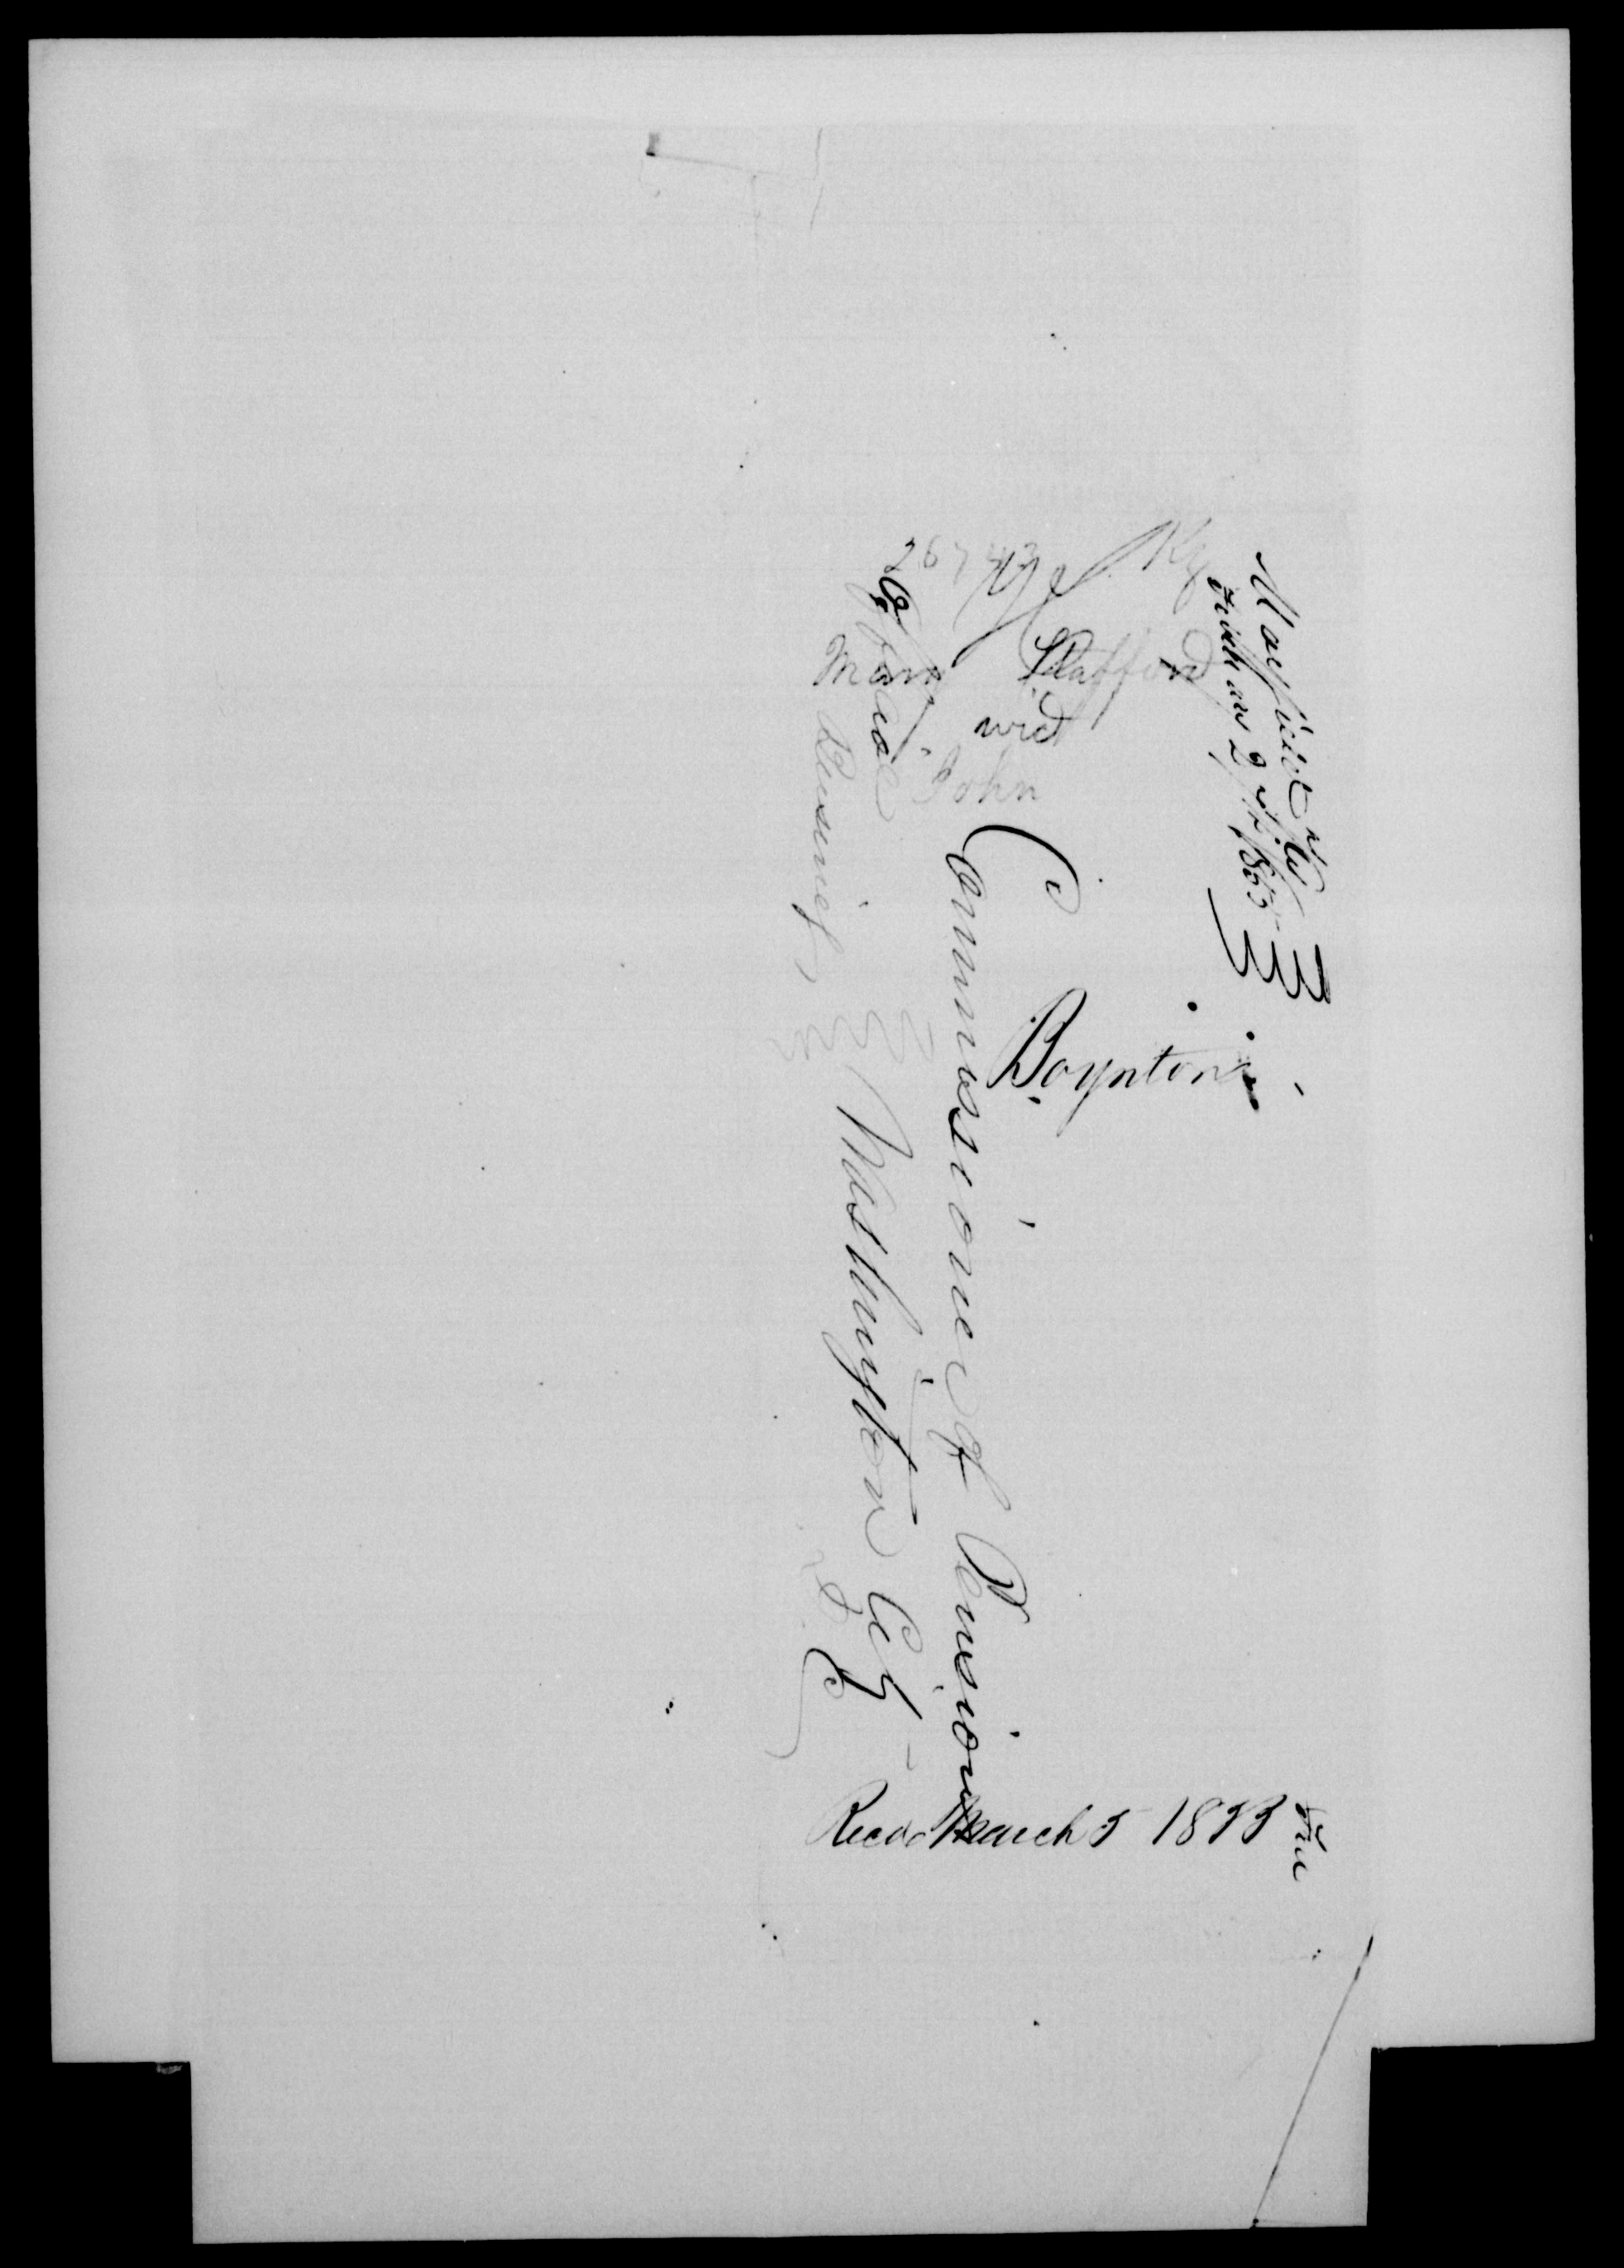26743
Mary Stafford 
wid
John

Mayfield Ky
February 27th 1855

Commissioner of Pensions
Washington City DC
Businefs

Boynton

Recd. March 5 1874 Fwd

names: Mary Stafford; John Stafford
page: 45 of 61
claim: widow's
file: W. 11554, for John Stafford, Maryland